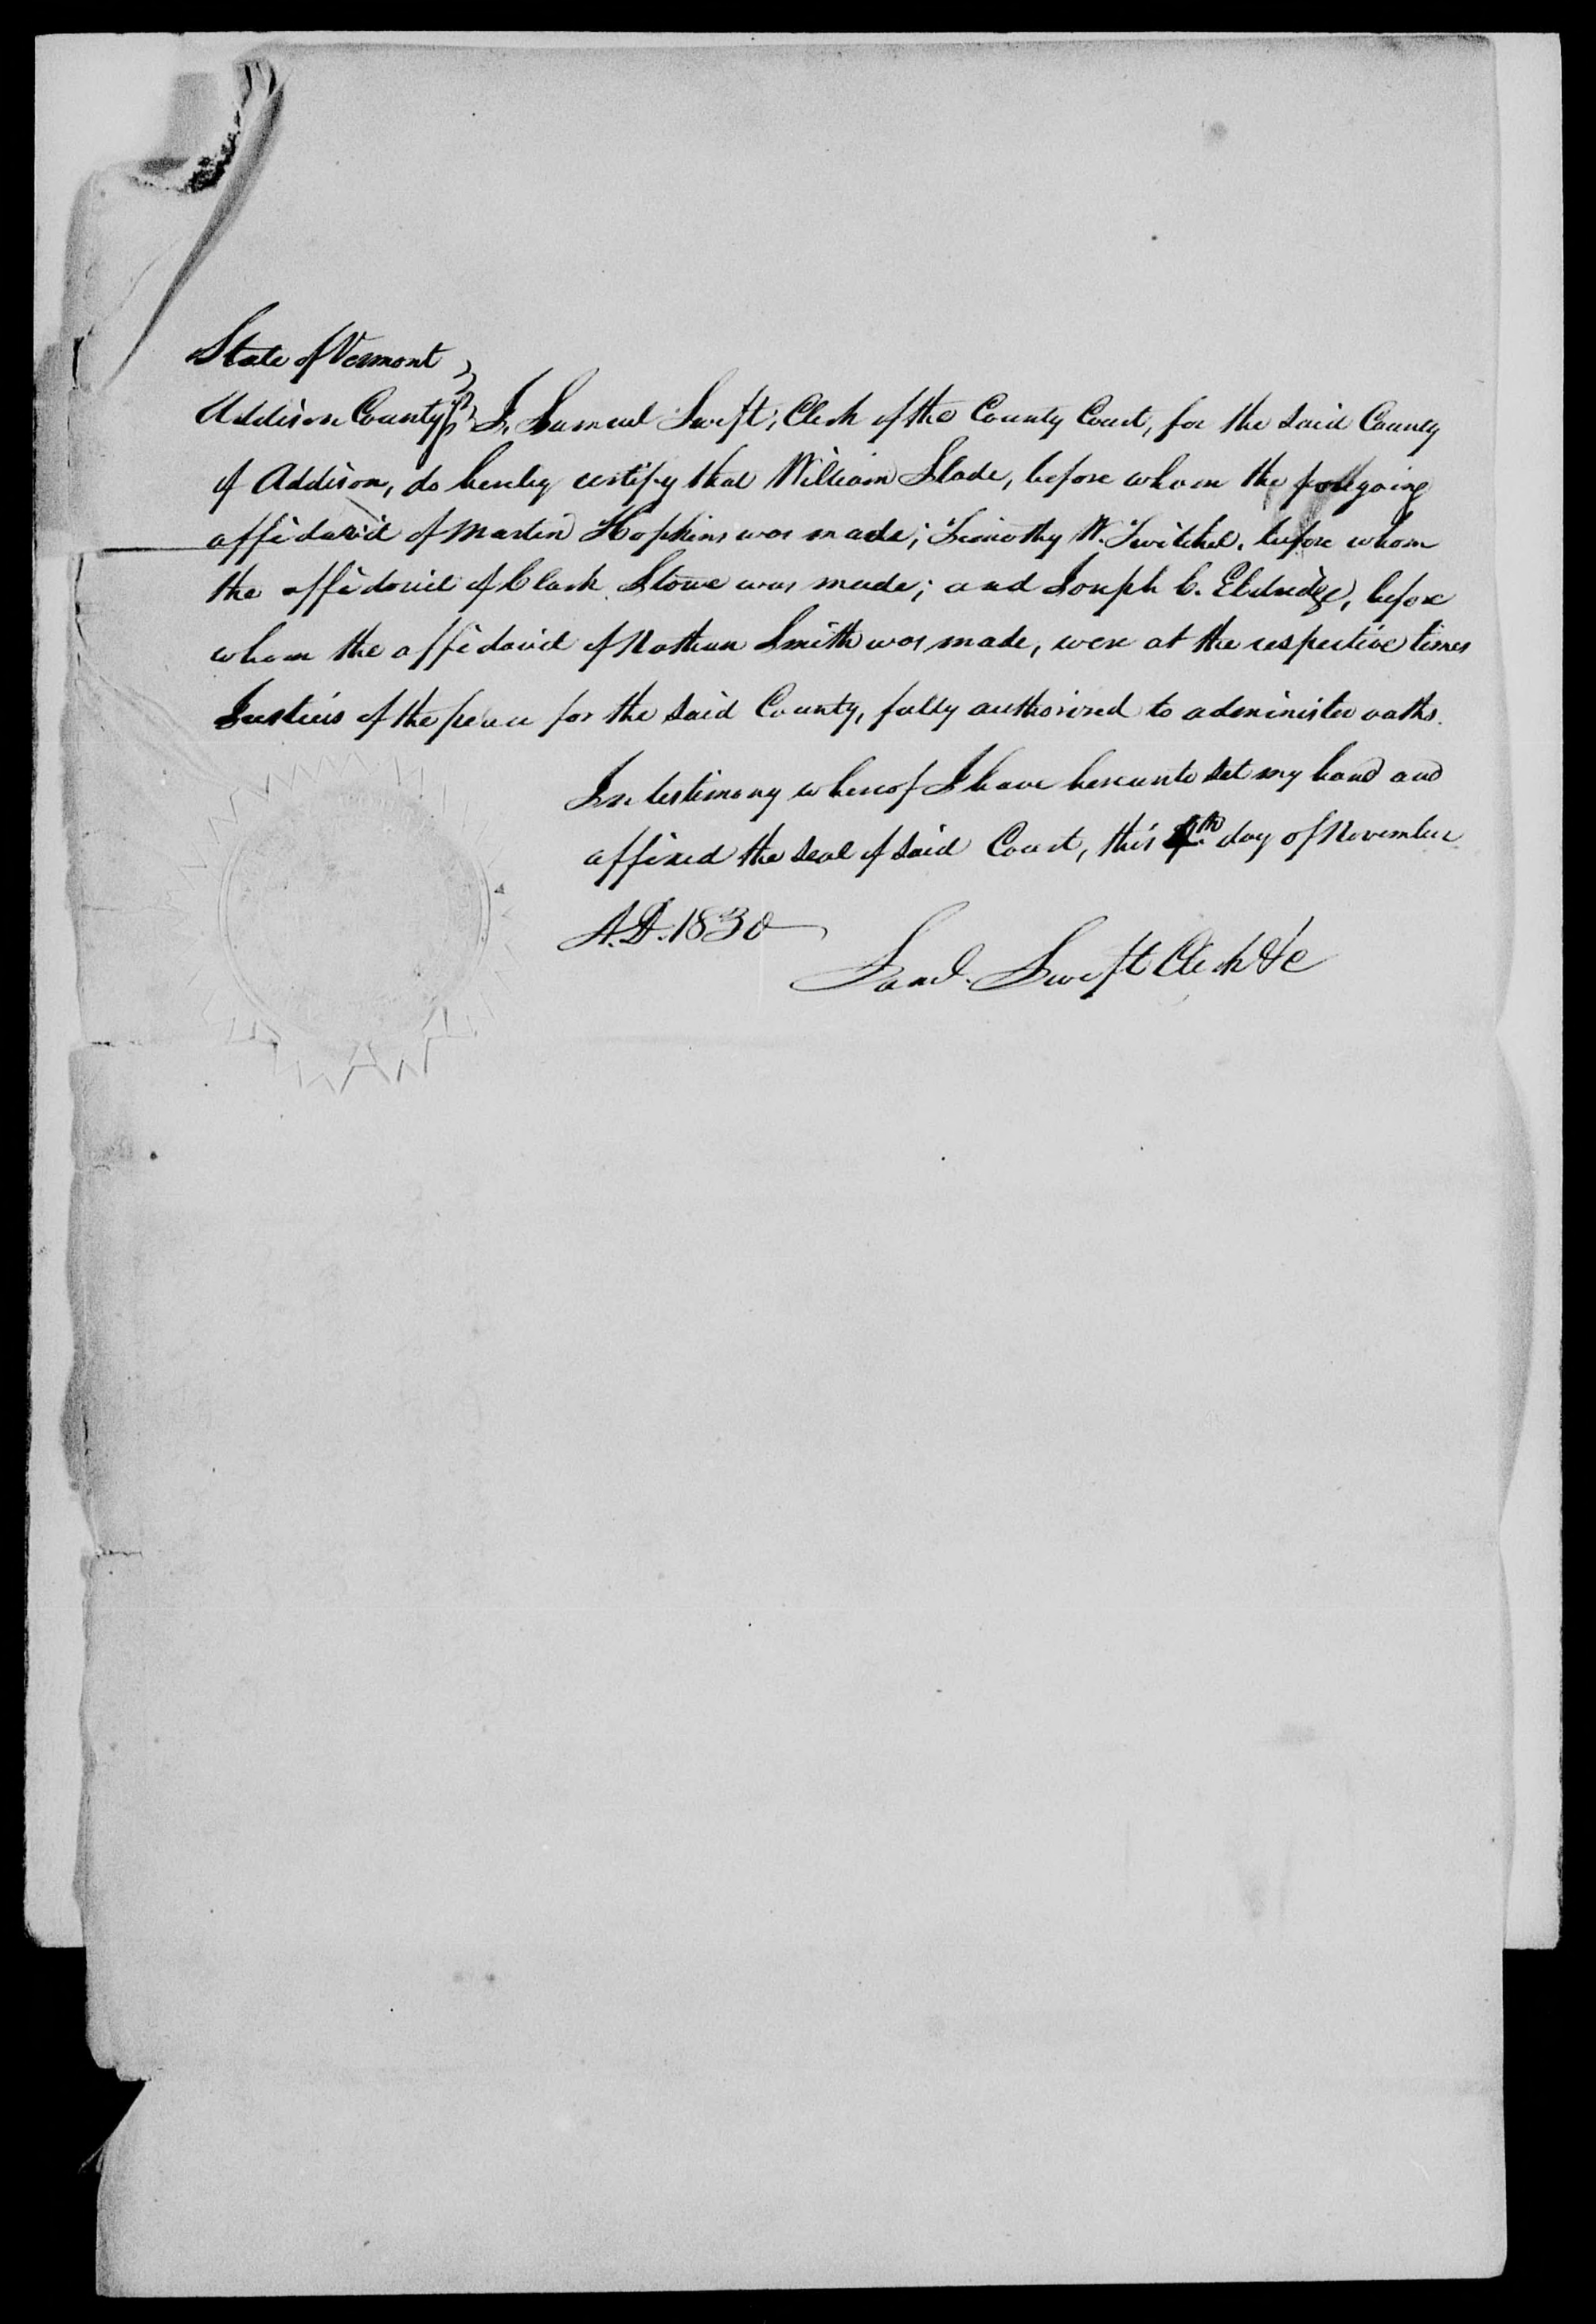State of Vermont}
Addison County}   I. Samuel Swift, Clerk of the County Court, for the Said County
of Addison, do hereby certify that William Slade, before whom the foregoing
affidavit of Martin Hopkins was made, Timothy W. Twitchel, before whom
the affidavit of Clark Stowe was made; and Joseph C. Eldridge, before
whom the affidavit of Nathan Smith was made, were at the respective times
Justices of the peace for the Said County, fully authorized to administer oaths.
In testimony whereof I have hereunto set my hand and
affixed the seal of said Court, this 4th day of November
A.D. 1830
Samuel Swift Clerk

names: Timothy W Twitchel, Joseph C Eldridge, Clark Stowe, William Slade, Samuel Swift, Martin Hopkins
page: 114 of 144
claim: rejected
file: R. 5208, Dennis Hopkins, N.C.